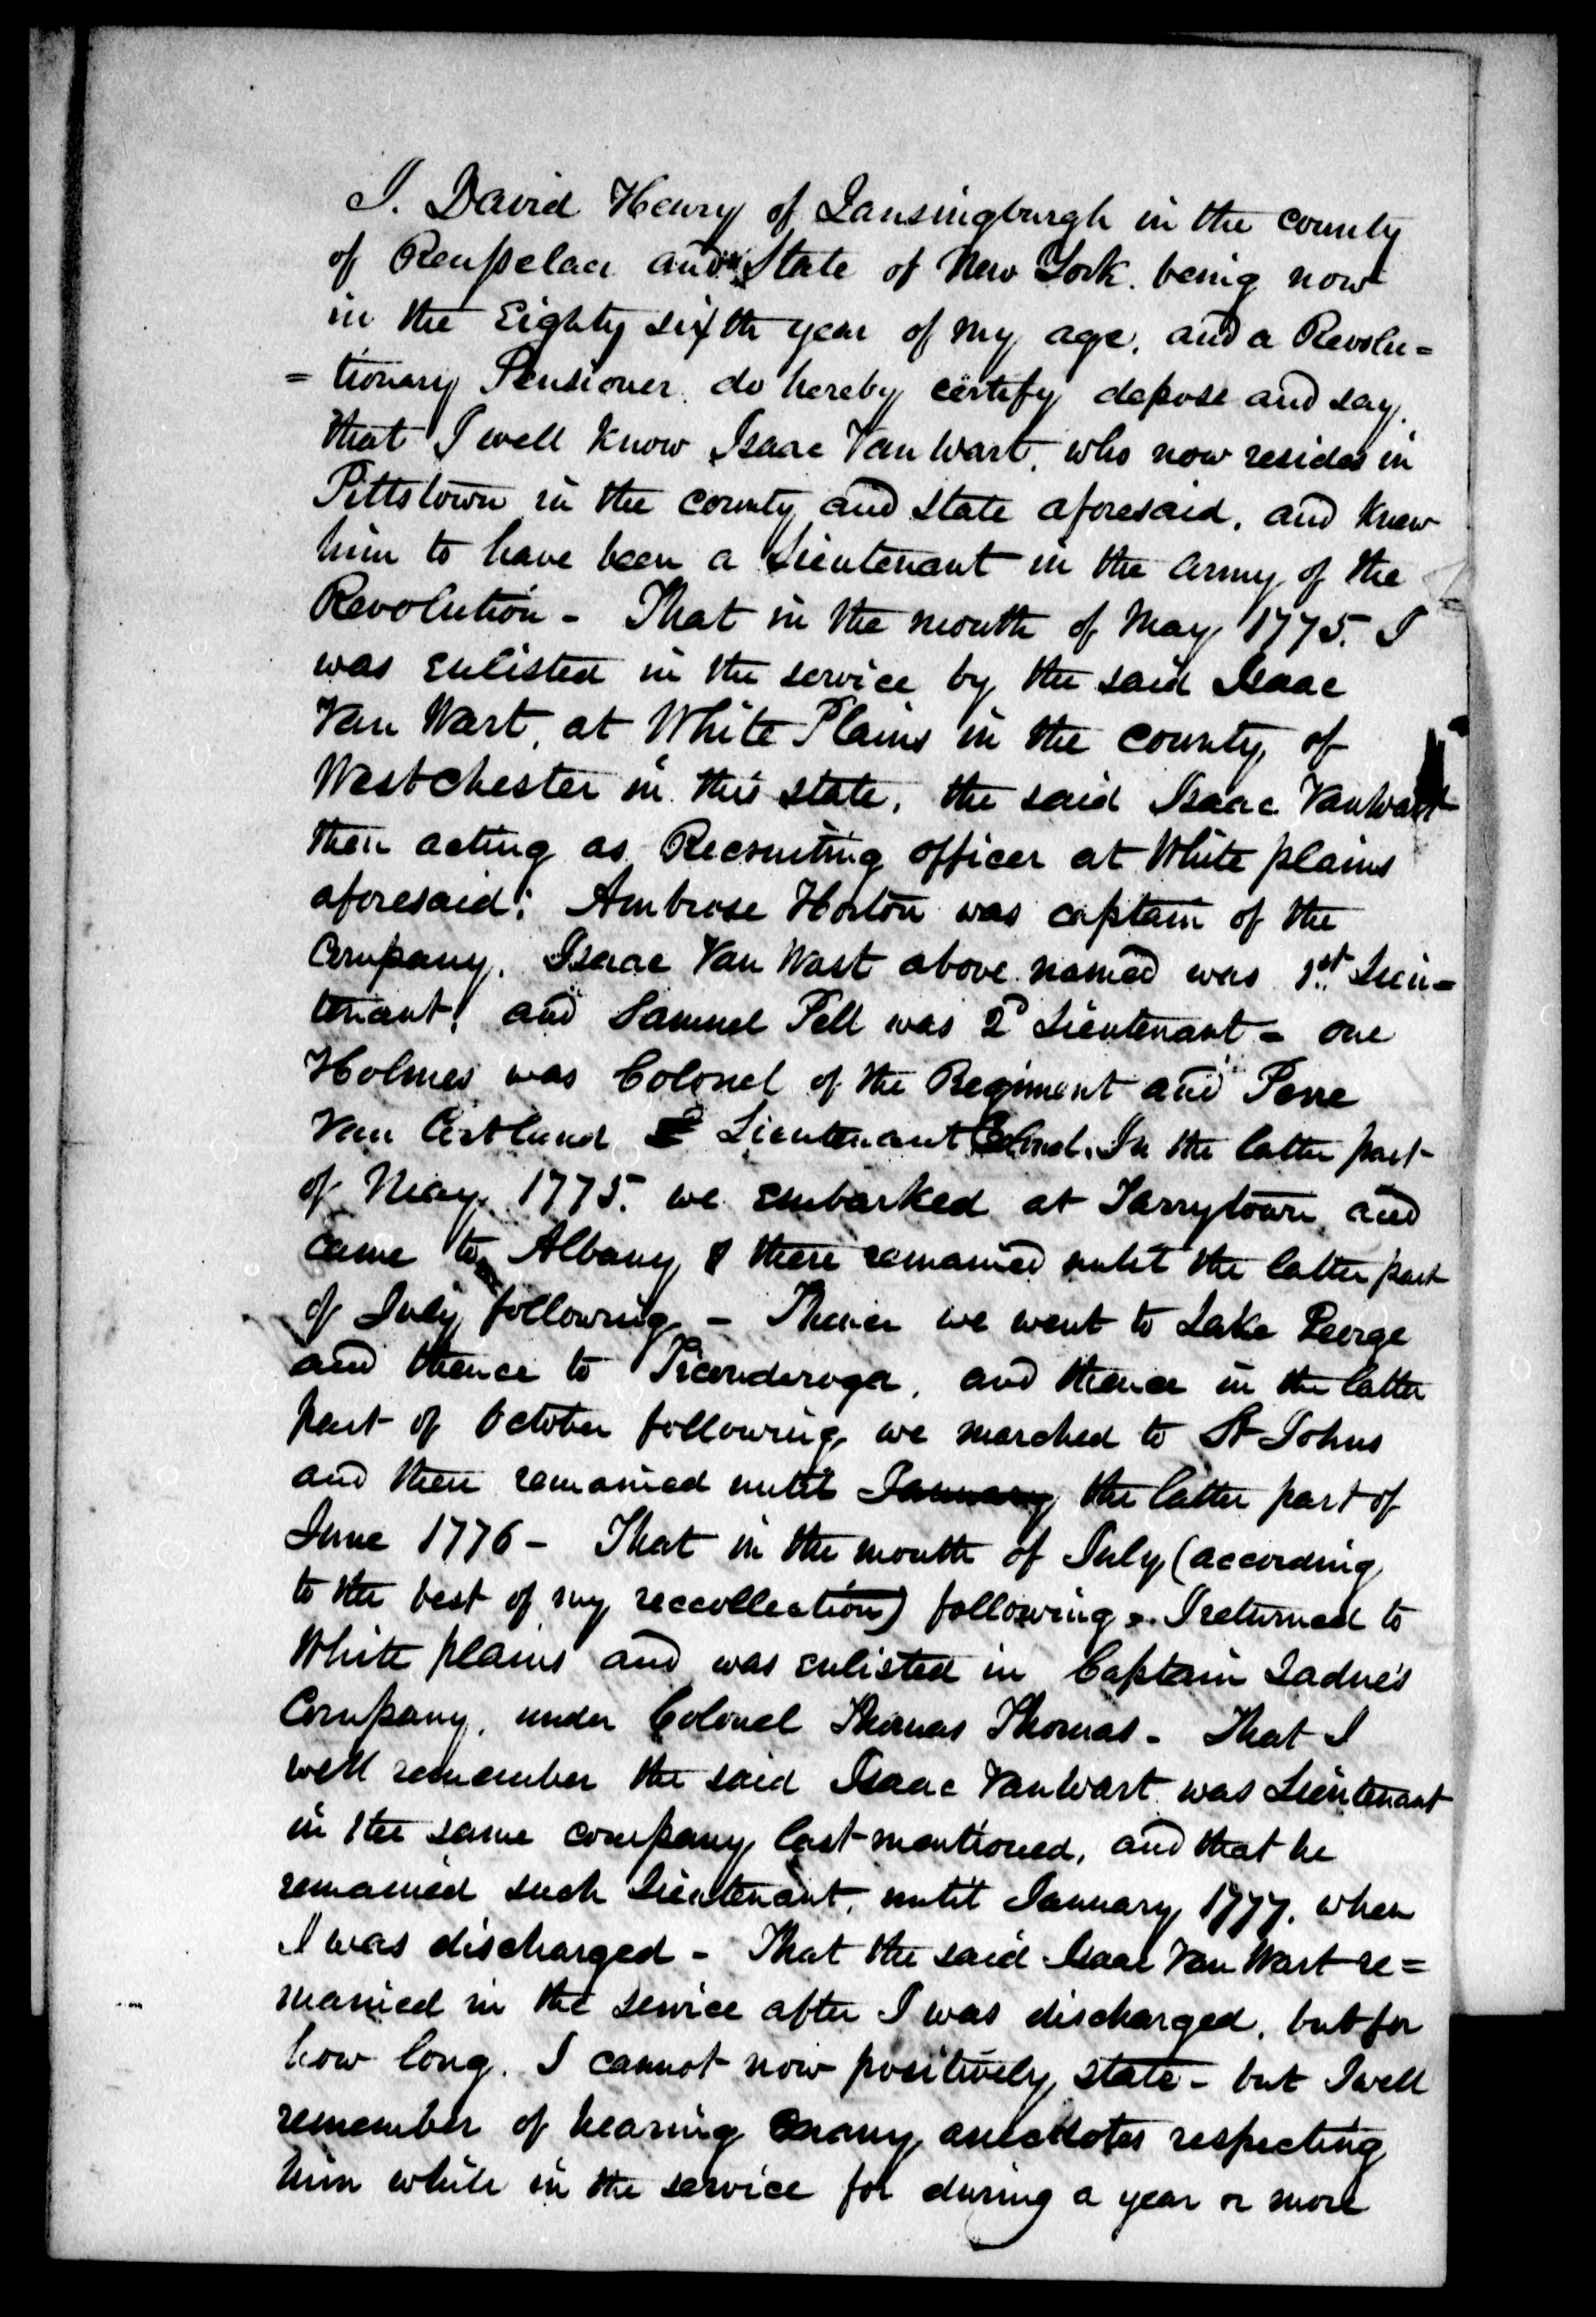I David Henry of Lansingburgh in the county of Rensselaer and State of New York being now in the Eighty sixth year of my age and a Revolutionary Pensioner do hereby certify depose and say that I well know Isaac Van Wart who resides in Pittstown in the County and State aforesaid, and knew him to have been a Lieutenant in the Army of the Revolution.  That in the month of May 1775 I was enlisted in the service by the said Isaac Van Wart at White Plains in the County of Westchester in this state, the said Isaac Van Wart their acting as Recruiting Officer at White Plains aforesaid:  Ambrose Horton was captain of the Company.  Isaac Van Wart above named was 1st Lieutenant and Samuel Pell was 2nd Lieutenant.  One Holmes was Colonel of the Regiment and Pene Van Cortland Lieutenant Colonel.  In the latter part of May 1775 we embarked at Tarrytown and came to Albany & there remained until the latter part of July following.  Thence we went to Lake George and thence to Ticonderoga, and thence in the latter part of October following we marched to St Johns and there remained until the latter part of June 1776 - That in the month of July (according to the best of my recollection) following I returned to White Plains and was enlisted in Captain Ladue's Company under Colonel Thomas Thomas.  That I well remember the said Isaac Van Wart was Lieutenant in the same company last mentioned, and that he remained such Lieutenant until January 1777 when I was discharged.  That the said Isaac Van Wart remained in the service after I was discharged, but for how long I cannot now positively state - but I well remember of hearing many anecdotes respecting him while in the service for during a year or more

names: Isaac Van Wart, Isaac Van Wart, Isaac Van Wart, Samuel Pell, One Holmes, Thomas Thomas, Isaac Van Wart, Isaac Van Wart, Pene Van Cortland, Isaac Van Wart, David Henry, Ambrose Horton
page: 72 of 102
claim: widow's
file: W. 18239, Isaac Van Wart, New York